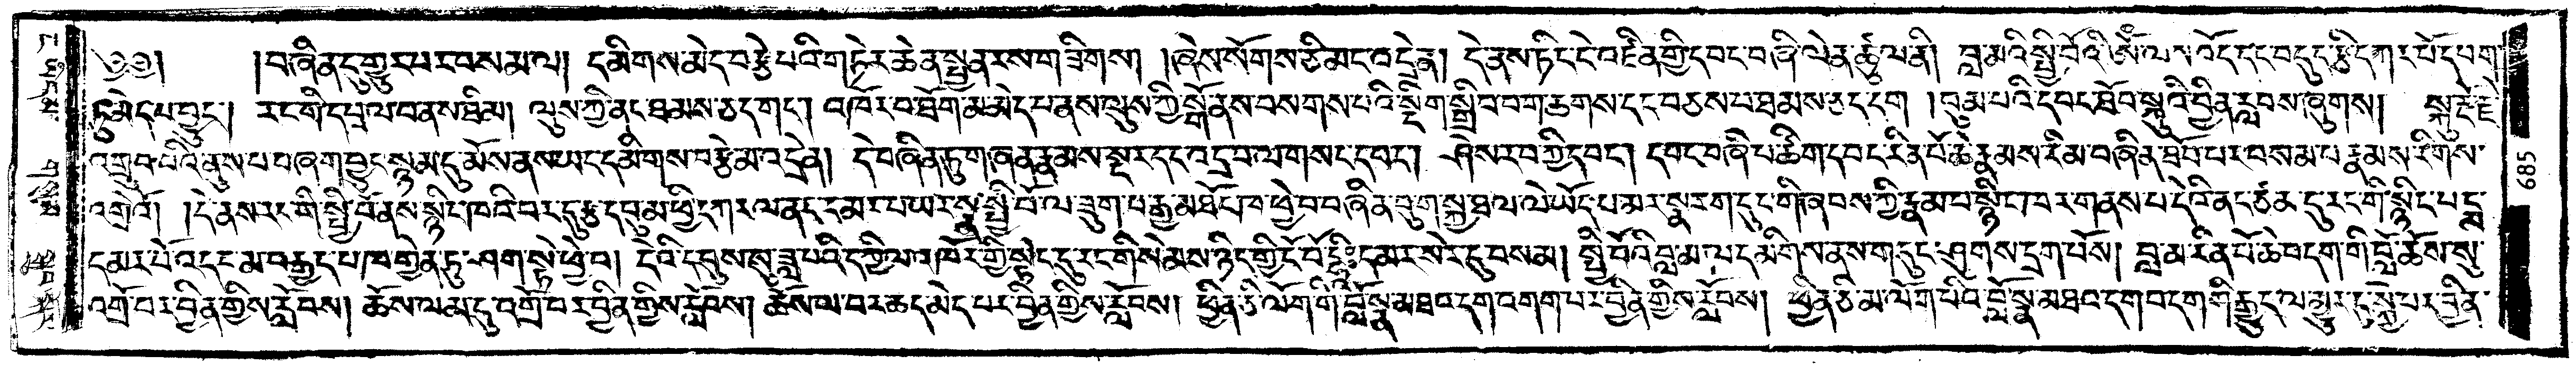༄༅། །བཞིན་དུ་གྱུར་པར་བསམ་ལ། དམིགས་མེད་བརྩེ་པའི་གཏེར་ཆེན་སྤྱན་རས་གཟིགས། །ཞེས་སོགས་ཅི་མང་འདྲེན། དེ་ནས་ཏིང་ངེ་འཛིན་གྱི་དབང་བཞི་ལེན་ཚུལ་ནི། བླ་མའི་སྤྱི་བོའི་ཨོཾ་ལས་འོད་དང་བདུད་རྩི་དཀར་པོ་དཔག་
ཏུ་མེད་པ་བྱུང་། རང་གི་དཔྲལ་བ་ནས་ཐིམ། ལུས་ཀྱི་ནང་ཐམས་ཅད་གང་། འཁོར་བ་ཐོག་མ་མེད་པ་ནས་ལུས་ཀྱི་སྒོ་ནས་བསགས་པའི་སྡིག་སྒྲིབ་བག་ཆགས་དང་བཅས་པ་ཐམས་ཅད་དག །བུམ་པའི་དབང་ཐོབ་སྐུའི་བྱིན་རླབས་ཞུགས། སྐུ་རྡོ་རྗེ་
འགྲུབ་པའི་ནུས་པ་བཞག་བྱུང་སྙམ་དུ་མོས་ནས་ཡང་དམིགས་བརྩེ་མ་འདྲེན། དེ་བཞིན་ཏུ་གཞན་རྣམས་སྔར་དང་འདྲ་བ་ལགས་དབང་། ཤེས་རབ་ཀྱི་དབང་། དབང་བཞི་པ་ཚིག་དབང་རིན་པོ་ཆེ་རྣམས་རིམ་བཞིན་ཐོབ་པར་བསམ་པ་རྣམས་རིགས་
འགྲེའོ། །དེ་ནས་རང་གི་སྤྱི་བོ་ནས་སྙིང་ཁའི་བར་དུ་རྩ་དབུ་མ་ཕྱི་དཀར་ལ་ནང་དམར་པ་ཡར་སྣ་སྤྱི་བོ་ལ་ཟུག་པ་རྒྱ་མཐོང་ཁ་ཕྱེ་བ་བཞིན་བུ་ག་སྐྱ་ཐལ་ལེ་ཡོད་པ་མར་སྣང་གདུང་གི་ཞབས་ཀྱི་རྣམ་པ་སྙིང་ཁར་གནས་པ་དེའི་ནང་ཙམ་དུ་རང་གི་སྙིང་པདམ་
དམར་པོ་འདང་མ་བརྒྱད་པ་ཁ་གྱེན་ཏུ་ཤག་སྟེ་ཕྱེ་བ། དེའི་དབུས་སུ་ཟླ་པའི་དཀྱིལ་འཁོར་གྱི་སྟེང་དུ་རང་གི་སེམས་ཉིད་ངོ་བོ་Hདམར་སེར་དུ་བསམ། སྤྱི་བོའི་བླ་མ་ལ་དམིགས་ནས་གདུང་ཤུགས་དྲག་པོས། བླ་མ་རིན་པོ་ཆེ་བདག་གི་བློ་ཆོས་སུ་
འགྲོ་བར་བྱིན་གྱིས་རློབས། ཆོས་ལམ་དུ་འགྲོ་བར་བྱིན་གྱིས་རློབས། ཆོས་ལ་བར་ཆད་མེད་པར་བྱིན་གྱིས་རློབས། ཕྱིན་ཅི་ལོག་གི་བློ་སྣ་མཐའ་དག་འགག་པར་བྱིན་ཀྱིས་རློབས། ཕྱེན་ཅི་མ་ལོག་པའི་བློ་སྣ་མཐའ་དག་བདག་གི་རྒྱུད་ལ་མྱུར་དུ་སྐྱེ་པར་བྱིན་